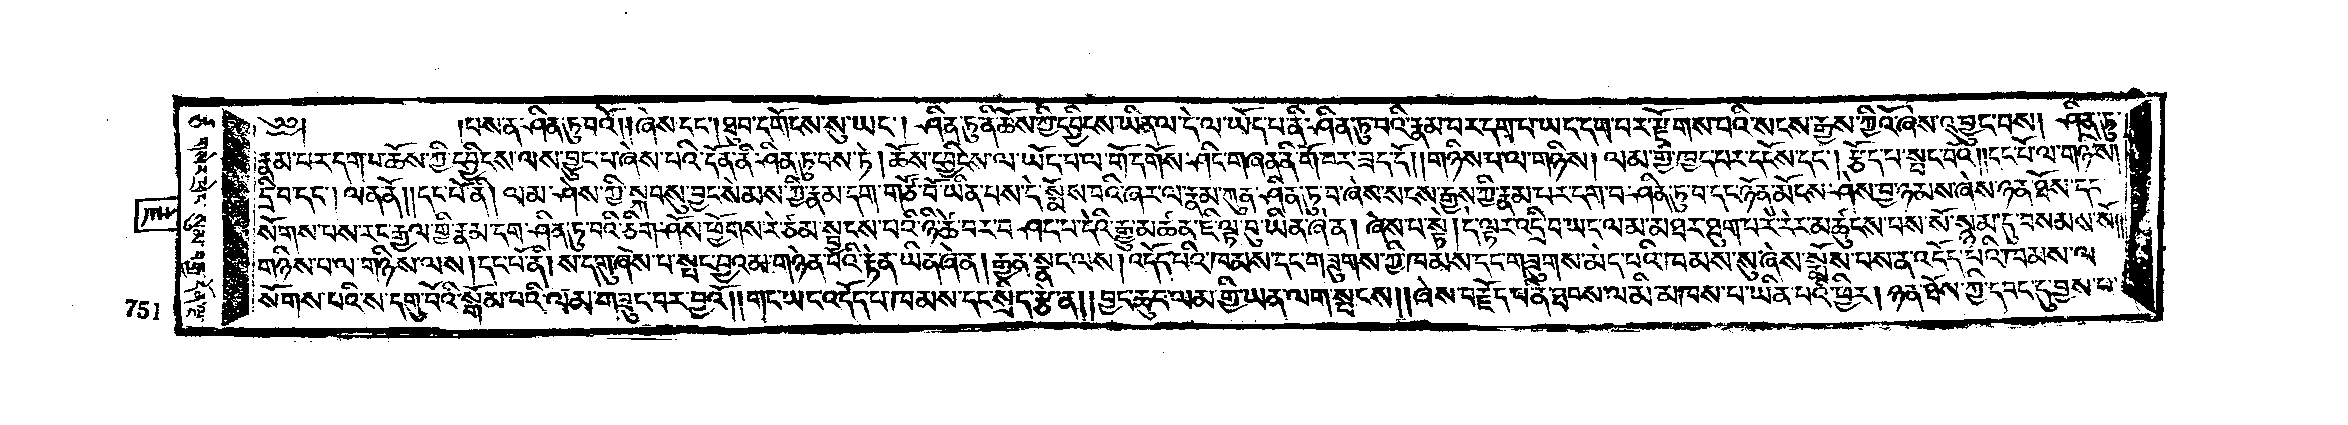༄༅། །པས་ན་ཤིན་ཏུ་བའོ། །ཞེས་དང་། ཐུབ་དགོངས་སུ་ཡང་། ཤིན་ཏུ་ནི་ཆོས་ཀྱི་དབྱིངས་ཡིན་ལ་དེ་ལ་ཡོད་པ་ནི་ཤིན་ཏུ་བའི་རྣམ་པར་དག་པ་ཡང་དག་པར་རྫོགས་པའི་སངས་རྒྱས་ཀྱིའོ་ཞེས་འབྱུང་བས། ཤིན་ཏུ་
རྣམ་པར་དག་པ་ཆོས་ཀྱི་དབྱིངས་ལས་བྱུང་པ་ཞེས་པའི་དོན་ནི་ཤིན་ཏུ་བས་ཏེ། ཆོས་དབྱིངས་ལ་ཡོད་པ་ལ་གོ་དགོས་ཤིང་གཞན་ནི་གོ་བར་ཟད་དོ། །གཉིས་པ་ལ་གཉིས། ལམ་གྱི་ཁྱད་པར་དངོས་དང་། རྩོད་པ་སྤང་བའོ། །དང་པོ་ལ་གཉིས།
དྲི་བ་དང་། ལན་ནོ། །དང་པོ་ནི། ལམ་ཤེས་ཀྱི་སྐབས་སུ་བྱང་སེམས་ཀྱི་རྣམ་དག་གཙོ་བོ་ཡིན་པས་དེ་སྨོས་པའི་ཞར་ལ་རྣམ་ཀུན་ཤིན་ཏུ་བ་ཞེས་སངས་རྒྱས་ཀྱི་རྣམ་པར་དག་པ་ཤིན་ཏུ་བ་དང་ཉོན་མོངས་ཤེས་བྱ་ཉམས་ཞེས་ཉན་ཐོས་དང་
སོགས་པས་རང་རྒྱལ་གྱི་རྣམ་དག་ཤིན་ཏུ་བའི་ཅིག་ཤོས་ཕྱོགས་རེ་ཙམ་སྤངས་པའི་ཉི་ཚེ་བར་བཤད་པ་དེའི་རྒྱུ་མཚན་ཇི་ལྟ་བུ་ཡིན་ཞེ་ན། ཞེས་པ་སྟེ། དེ་ལྟར་འདྲི་བ་ཡང་ལམ་མཐར་ཐུག་པ་རེ་རེར་མཚུངས་པས་སོ་སྙམ་དུ་བསམས་སོ། །
གཉིས་པ་ལ་གཉིས་ལས། དང་པོ་ནི། ས་དགུ་ཞེས་པ་སྤང་བྱའམ་གཉེན་པོའི་རྟེན་ཡིན་ཞེ་ན། རྒྱན་སྣང་ལས། འདོད་པའི་ཁམས་དང་གཟུགས་ཀྱི་ཁམས་དང་གཟུགས་མེད་པའི་ཁམས་སུ་ཞེས་སྨོས་པས་ན་འདོད་པའི་ཁམས་ལ་
སོགས་པའི་ས་དགུ་པོའི་སྒོམ་པའི་ལམ་གཟུང་བར་བྱའོ། །གང་ཡང་འདོད་པ་ཁམས་དང་སྲིད་རྩེ་ན། །བྱང་ཆུབ་ལམ་གྱི་ཡན་ལག་སྤངས། །ཞེས་བརྗོད་པ་ནི་ཐབས་ལ་མི་མཁས་པ་ཡིན་པའི་ཕྱིར། ཉན་ཐོས་ཀྱི་དབང་དུ་བྱས་པ་